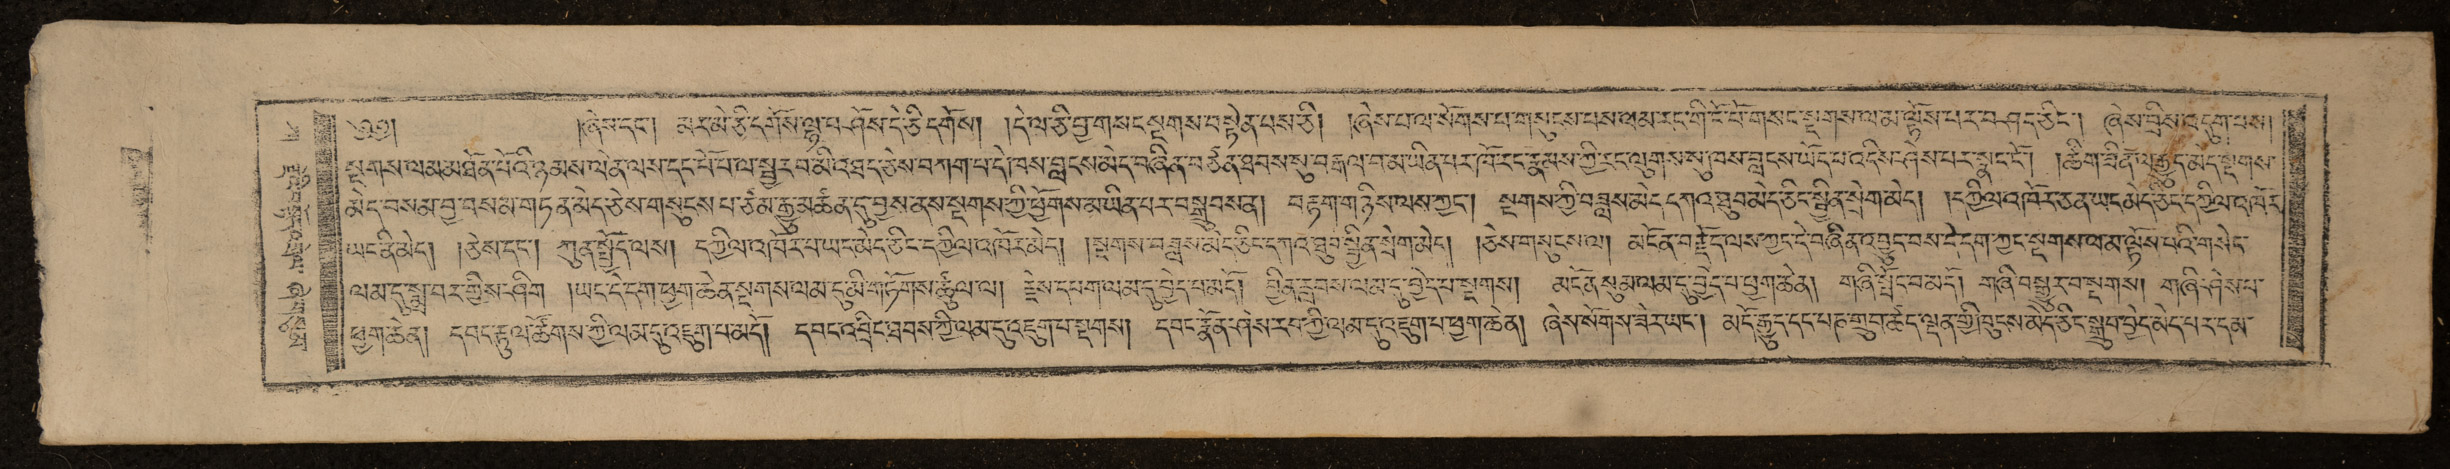༄༅། །ཞེས་དང་། མར་མེ་ཅི་དགོས་ལྷ་བཤོས་དེ་ཅི་དགོས། །དེ་ལ་ཅི་བྱ་གསང་སྔགས་བསྟེན་པས་ཅི། །ཞེས་པ་ལ་སོགས་པ་གསུངས་པས་ལམ་རང་གི་ངོ་བོ་བསང་སྔགས་ལ་མ་ལྟོས་བར་བཤད་ཅིང་། ཞེས་བྲིས་འདུག་པས།
སྔགས་ལམ་མཐོན་པོའི་ཉམས་ལེན་ལས་དང་པོ་པ་ལ་སྦྱར་བ་མི་འཐད་ཅེས་བཀག་པ་དེ་ཁས་བླངས་མེད་བཞིན་བཙན་ཐབས་སུ་བརྒལ་བ་མ་ཡིན་པར་ཁོ་རང་རྣམས་ཀྱི་རང་ལུགས་སུ་ཁས་བླངས་ཡོད་པ་འདིས་ཤེས་པར་སྣང་ངོ། །ཚིག་ཟིན་ལ་རྒྱུད་མེད་སྔགས་
མེད་བསམ་བྱ་བསམ་གཏན་མེད་ཅེས་གསུངས་པ་ཙམ་རྒྱུ་མཚན་དུ་བྱས་ནས་སྔགས་ཀྱི་ཕྱོགས་མ་ཡིན་པར་བསྒྲུབས་ན། བརྟག་གཉིས་ལས་ཀྱང་། སྔགས་ཀྱི་བཟླས་མེད་དཀའ་ཐུབ་མེད་ཅིང་སྦྱིན་སྲེག་མེད། །དཀྱིལ་འཁོར་ཅན་ཡང་མེད་ཅིང་དཀྱིལ་འཁོར་
ཡང་ནི་མེད། །ཅེས་དང་། ཀུན་སྤྱོད་ལས། དཀྱིལ་འཁོར་པ་ཡང་མེད་ཅིང་དཀྱིལ་འཁོར་མེད། །སྔགས་བཟླས་མེད་ཅིང་དཀའ་ཐུབ་སྦྱིན་སྲེག་མེད། །ཅེས་གསུངས་ལ། མངོན་བརྗོད་ལས་ཀྱང་དེ་བཞིན་འབྱུང་བས་དེ་དག་ཀྱང་སྔགས་ལམ་སྟོས་པའི་གསེང་
ལམ་དུ་སྨྲ་བར་གྱིས་ཤིབ། །ཡང་དེ་དག་ཕྱག་ཆེན་སྔགས་ལམ་དུ་མི་གཏོགས་ཚུལ་ལ། རྗེས་དཔག་ལམ་དུ་བྱེད་པ་མདོ། བྱིན་རླབས་ལམ་དུ་བྱེད་པ་སྔགས། མངོན་སུམ་ལམ་དུ་བྱེད་པ་ཕྱག་ཆེན། གཞི་སྤོང་བ་མདོ། གཞི་བསྒྱུར་བསྔགས། གཞི་ཤེས་པ་
ཕྱག་ཆེན། དབང་རྟུལ་ཚོགས་ཀྱི་ལམ་དུ་འཇུག་པ་མདོ། དབང་འབྲིང་ཐབས་ཀྱི་ལམ་དུ་འཇུག་པ་སྔགས། དབང་རྣོན་ཤེས་རབ་ཀྱི་ལམ་དུ་འཇུག་པ་ཕྱག་ཆེན། ཞེས་སོགས་ཟེར་ཡང་། མདོ་རྒྱུད་དང་པཎ་གྲུབ་ཚད་ལྡན་གྱི་ཁུངས་མེད་ཅིང་སྒྲུབ་བྱེད་མེད་པར་དམ་